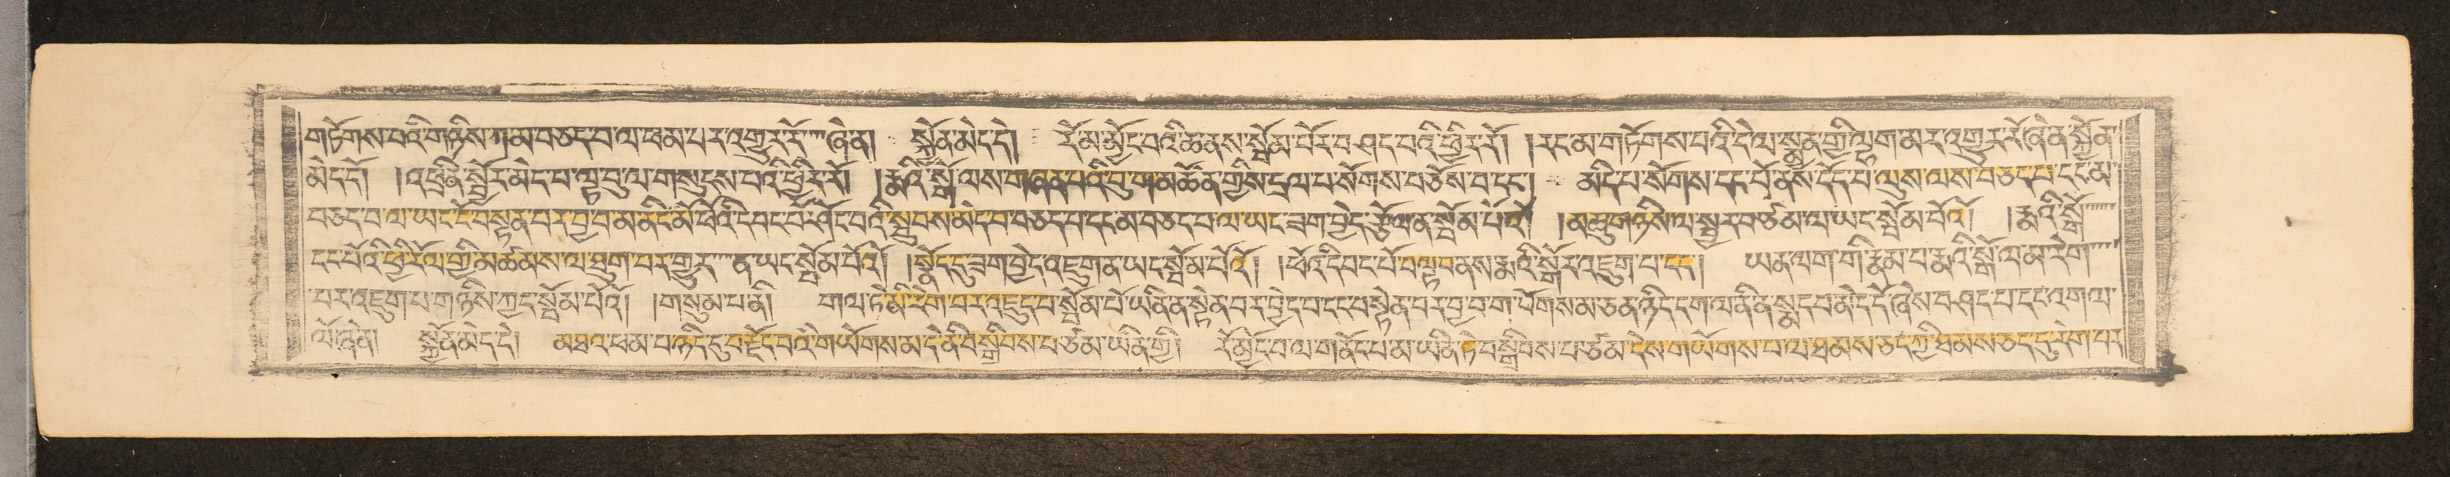གཏོགས་པའི་གཉིས་ཀ་མ་བཅད་པ་ལ་ཕམ་པར་འགྱུར་རོ་ཞེ་ན། སྐྱོན་མེད་དེ། རིམ་མྱོང་བའི་ཆ་ནས་སྦོམ་པོར་བཤད་པའི་ཕྱིར་རོ། །རང་མ་གཏོགས་པའི་དེ་ལ་སྨྱན་གྱི་ལྷག་མར་འགྱུར་རོ་ཞེན་སྐྱོན་
མེད་དོ། །འཕྲིན་སྦྱོར་མེད་པ་ལྟ་བུ་ལ་གསུངས་པའི་ཕྱིར་རོ། །རྨའི་སྒོ་ལས་གཞན་པའི་བུ་ག་མཚོན་གྱིས་དྲལ་པ་སོགས་བཅོས་པ་དང་། མིད་པ་སོགས་དད་པོ་ནས་དོད་པ་ལུས་ལས་བཅད་པ་དང་མ་
བཅད་པ་ལ་ཡང་ངོ་བསྟེན་པར་བྱ་བ་མ་ནིང་མོ་ཕོའི་དབང་པོ་ཤོང་བའི་སྦུབས་མེད་བ་བཅད་པ་དང་མ་བཅད་པ་ལ་ཡང་ཟག་བྱེད་རྩོལ་ན་སྦོམ་པོའོ། །མཆུ་གཉིས་ལ་སྦྱར་བ་ཙམ་ལ་ཡང་སྦོམ་པོའོ། །རྨའི་སྒོ་
དང་པོའི་ཕྱི་རོལ་གྱི་མཚམས་ལ་ཐུག་པར་གྱུར་ན་ཡང་སྦོམ་པོའོ། །སྣོད་དུ་ཟག་བྱེད་འཇུག་ན་ཡང་སྦོམ་པོའོ། །ཕོའི་དབང་པོ་བལྟབ་ནས་རྨའི་སྒོར་འཇུག་པ་དང་། ཡན་ལག་གི་རྣམ་པ་རྨའི་སྒོ་ལམ་རེག་
པར་འཇུག་པ་གཉིས་ཀྱང་སྦོམ་པོའོ། །གསུམ་པ་ནི། གལ་ཏེ་མི་རེག་པར་འཇུད་པ་སྦོམ་པོ་ཡིན་ན་སྟེན་པར་བྱེད་པ་དང་བསྟེན་པར་བྱ་བ་གཡོགས་མ་ཅན་ཉིད་དག་ལ་ནི་ན་སྨད་པ་མེད་དོ་ཞེས་བཤད་པ་དང་འགལ་
ལོ་ཞེ་ན། སྐྱོན་མེད་དེ། མཐའ་ཕམ་པ་ཉིད་དུ་བརྗོད་པའི་གཡོགས་མ་དེ་ནི་བསྒྲིབས་པ་ཙམ་ཡིན་གྱི། རོ་མྱོང་བ་ལ་གནོད་པ་མ་ཡིན་ཏེ་བསྒྲིབས་པ་ཙམ་དེས་གཡོགས་པ་ལ་ཐམས་ཅད་ཀྱི་ཐམས་ཅད་དུ་རེག་པར་